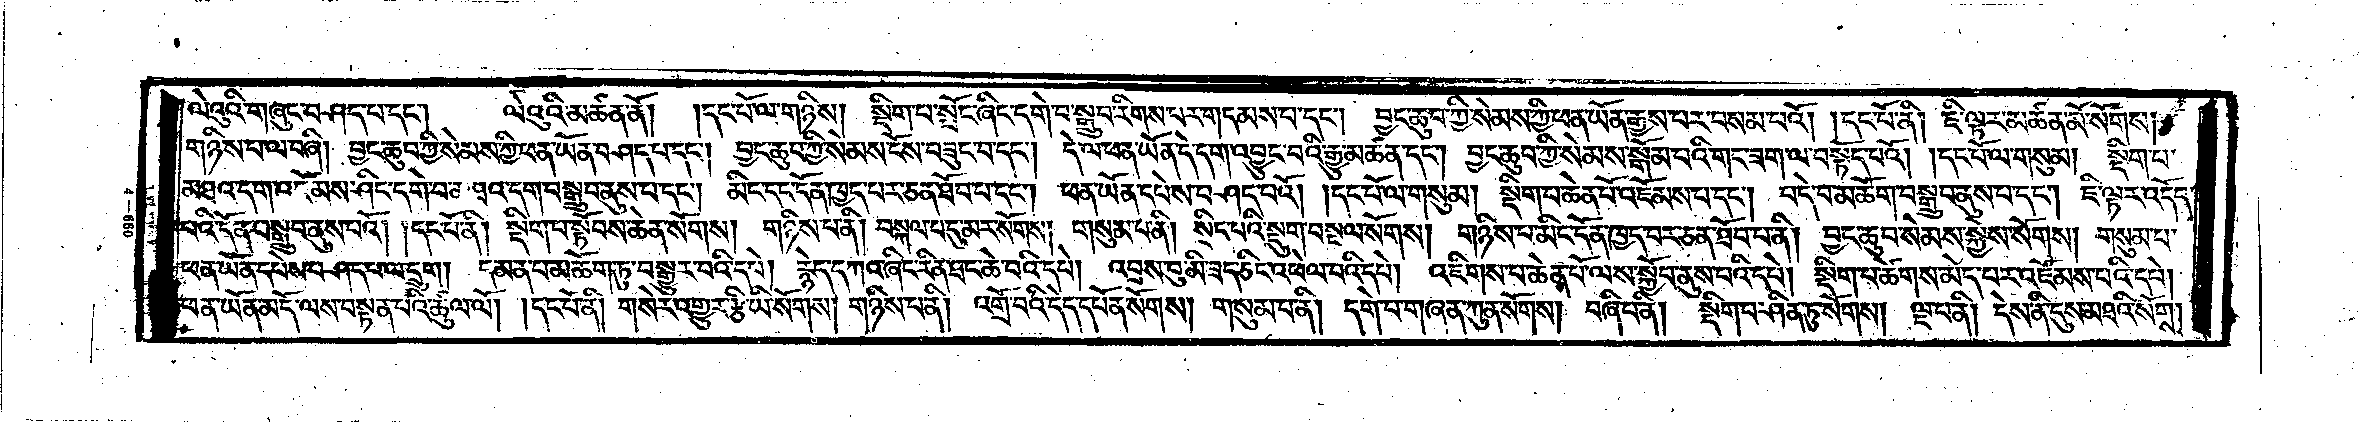ལེའུའི་གཞུང་བཤད་པ་དང་། ལེའུའི་མཚན་ནོ། །དང་པོ་ལ་གཉིས། སྡིག་པ་སྤོང་ཞིང་དགེ་བ་སྒྲུབ་རིགས་པར་གདམས་པ་དང་། བྱང་ཆུབ་ཀྱི་སེམས་ཕན་ཡོན་རྒྱས་པར་བསམ་པའོ། །དང་པོ་ནི། ཇི་ལྟར་མཚན་མོ་སོགས།
གཉིས་པ་ལ་བཞི། བྱང་ཆུབ་ཀྱི་སེམས་ཀྱི་ཕན་ཡོན་བཤད་པ་དང་། བྱང་ཆུབ་ཀྱི་སེམས་ངོས་བཟུང་པ་དང་། དེ་ལ་ཕན་ཡོན་དེ་དག་འབྱུང་བའི་རྒྱུ་མཚན་དང་། བྱང་ཆུབ་ཀྱི་སེམས་སྒོམ་པའི་གང་ཟག་ལ་བསྟོད་པའོ། །དང་པོ་ལ་གསུམ། སྡིག་པ་
མཐའ་དག་འདོམས་ཤིང་དགེ་བ་མཐའ་དག་བསྒྲུབ་ནུས་པ་དང་། མིང་དང་དོན་ཁྱད་པར་ཅན་ཐོབ་པ་དང་། ཕན་ཡོན་དཔེས་བཤད་པའོ། །དང་པོ་ལ་གསུམ། སྡིག་པ་ཆེན་པོ་འཇོམས་པ་དང་། བདེ་བ་མཆོག་བསྒྲུབ་ནུས་པ་དང་། ཇི་ལྟར་འདོད་
པའི་དོན་བསྒྲུབ་ནུས་པའོ། །དང་པོ་ནི། སྡིག་བ་སྟོབས་ཆེན་སོགས། གཉིས་པ་ནི། བསྐལ་པ་དུ་མར་སོགས། གསུམ་པ་ནི། སྲིད་པའི་སྡུག་བསྔལ་སོགས། གཉིས་པ་མིང་དོན་ཁྱད་པར་ཅན་ཐོབ་པ་ནི། བྱང་ཆུབ་སེམས་སྐྱེས་སོགས། གསུམ་པ་
ཕན་ཡོན་དཔེས་བཤད་པ་ལ་དྲུག ། དམན་པ་མཆོག་ཏུ་བསྒྱུར་པའི་དཔེ། རྙེད་དཀའ་ཞིང་རིན་ཐང་ཆེ་པའི་དཔེ། འབྲས་བུ་མི་ཟད་ཅིང་འཕེལ་པའི་དཔེ། འཇིགས་པ་ཆེན་པོ་ལས་སྐྱོབ་ནུས་པའི་དཔེ། སྡིག་པ་ཚེགས་མེད་པར་འཇོམས་པའི་དཔེ།
ཕན་ཡོན་མདོ་ལས་བསྟན་པའི་ཚུལ་ལོ། །དང་པོ་ནི། གསེར་འགྱུར་རྩི་ཡི་སོགས། གཉིས་པ་ནི། འགྲོ་བའི་དེད་དཔོན་སོགས། གསུམ་པ་ནི། དགེ་བ་གཞན་ཀུན་སོགས། བཞི་པ་ནི། སྡིག་པ་ཤིན་ཏུ་སོགས། ལྔ་པ་ནི། དེས་ནི་དུས་མཐིའི་སོགས།